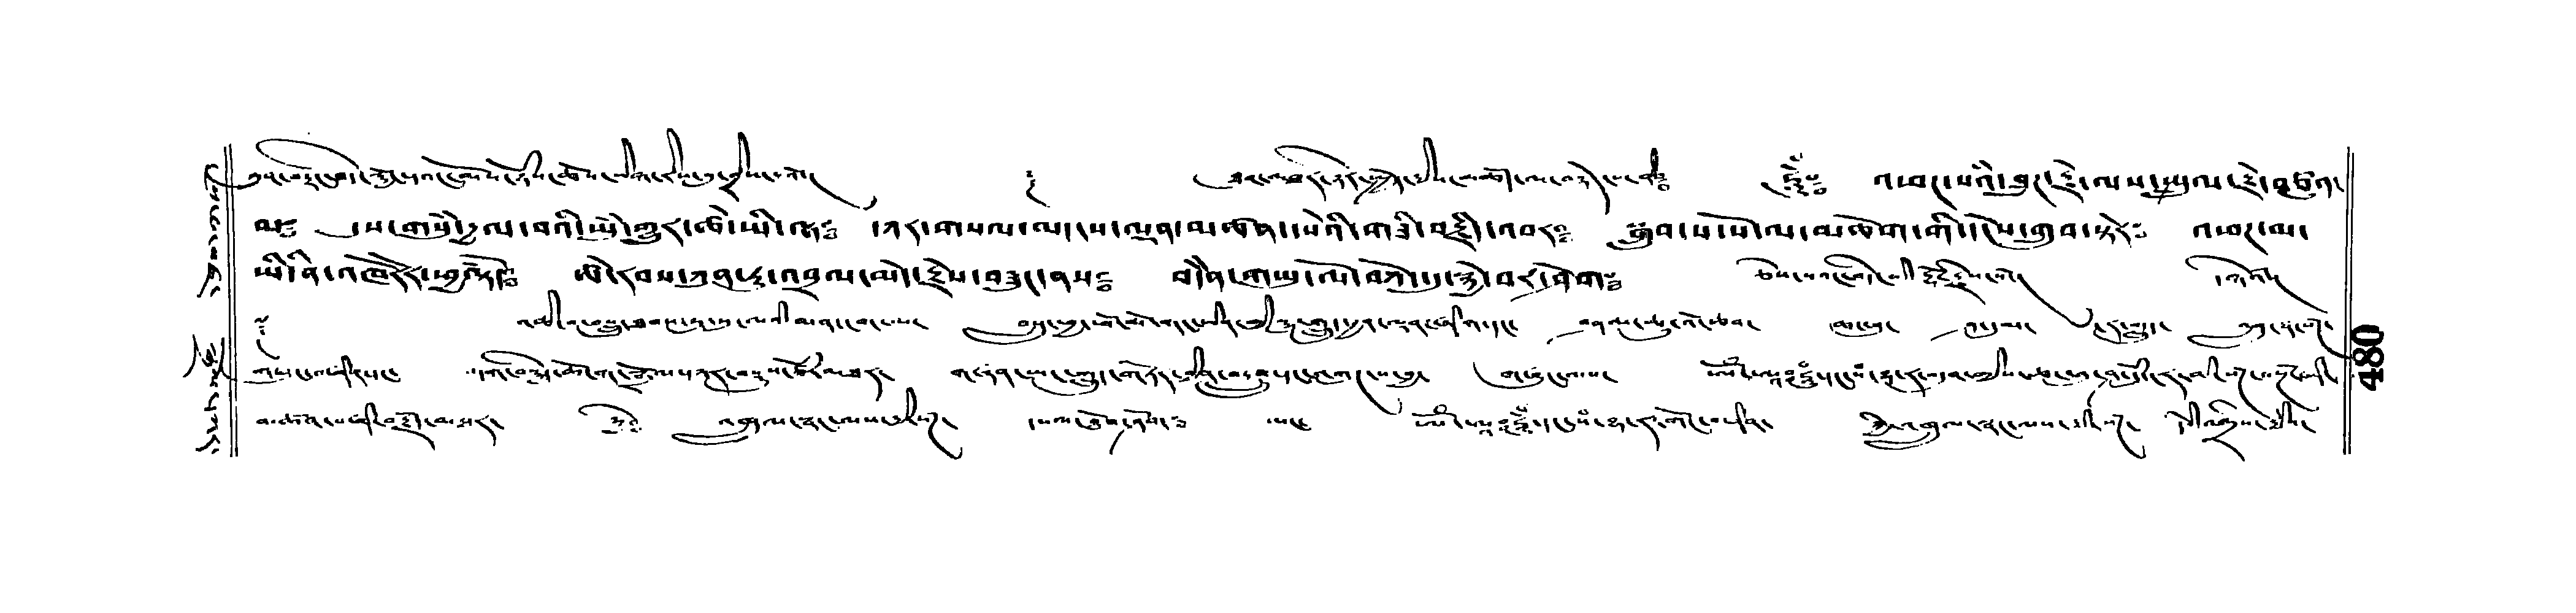ཀུན་བཟང་བདེ་སྐྱོང་དབང་མོས་ཉམས་ཆོས་ཡིག་རིས་སུ་བྲིས་པའོ།། ༈ ཐུན་མཐར་ཉེར་སྤྱོད་ཀྱིས་མཆོད་ལ་བསྟོད་པ་ནི༔ ཧཱུྃ༔ འཕགས་པའི་ཐུགས་རྗེ་ལས་སྤྲུལ་རྗེ་བཙུན་
མ༔ དུས་གསུམ་རྒྱལ་བའི་ཡུམ་གྱུར་ཚེ་ཡི་ལྷ༔ དཀར་གསལ་མདངས་ལྡན་མཚན་དཔེའི་གཟི་བརྗིད་འབར༔ སྒྲུབ་པ་པོ་ལ་མཆོག་གི་དངོས་གྲུབ་སྟེར༔ འཕགས་མ་
ཡིད་བཞིན་འཁོར་ལོར་ཕྱག་འཚལ་བསྟོད༔ ཚེ་རབས་ཀུན་ཏུ་འབྲལ་མེད་རྗེས་བཟུང་ནས༔ བདེ་ཆེན་གཡུ་ལོ་བཀོད་དུ་སྐྱེ་བར་ཤོག༔ ཅེས་པའང་བདེ་བའི་རྡོ་རྗེས་སོ།། དགེའོ།། 
༈ འཆི་བ་བསླུ་ཐབས་ཀུ་ས་ལིའི་མན་ངག་ལ། བསྲུང་བྱ་ཕོ་མོ་གང་ཡིན་གྱི་སྐུ་གླུད་རྒྱན་ལྡན་ཞིག་དང་། བཤལ་ཆུ་འོ་ཆབ། ཆང་བུ། ཤ་དུམ། ངར་གླུད། འབྲུ་སྣ་སོགས་
གཞུང་བཞིན་དང་། བདག་བསྐྱེད་ཆོ་ག་སྒྲོལ་དཀར་བསྡུས་ཙམ་མཐར། གཞན་ཡང་གླུད་གཏོར་བྱིན་བརླབས་དང་འགུགས་པ་བྱ། གཞུང་ལས། ཨོཾ་ཨཱཿཧཱུྃ་དང་སཾ་བྷ་ར་བདུན་གྱིས་ཆང་བུ་ཤ་དུམ་ངར་མི་སོགས་བསྔོ་ཞིང་
མཚན་བཞི་བརྗོད་མཐར། ཀྱཻཿ འཁྲུལ་སྣང་ལས་ཀྱི་སོགས། དཔལ་ཐོབ་ཤོག༔ ཡང་། ཨོཾ་ཨཱཿཧཱུྃ་དང་སཾ་བྷ་ར་གོང་བཞིན། ཀྱཻཿའཁྲུལ་སྣང་ལས་ཀྱི་སོགས། དེའི་འགྲེས་ཀྱིས་